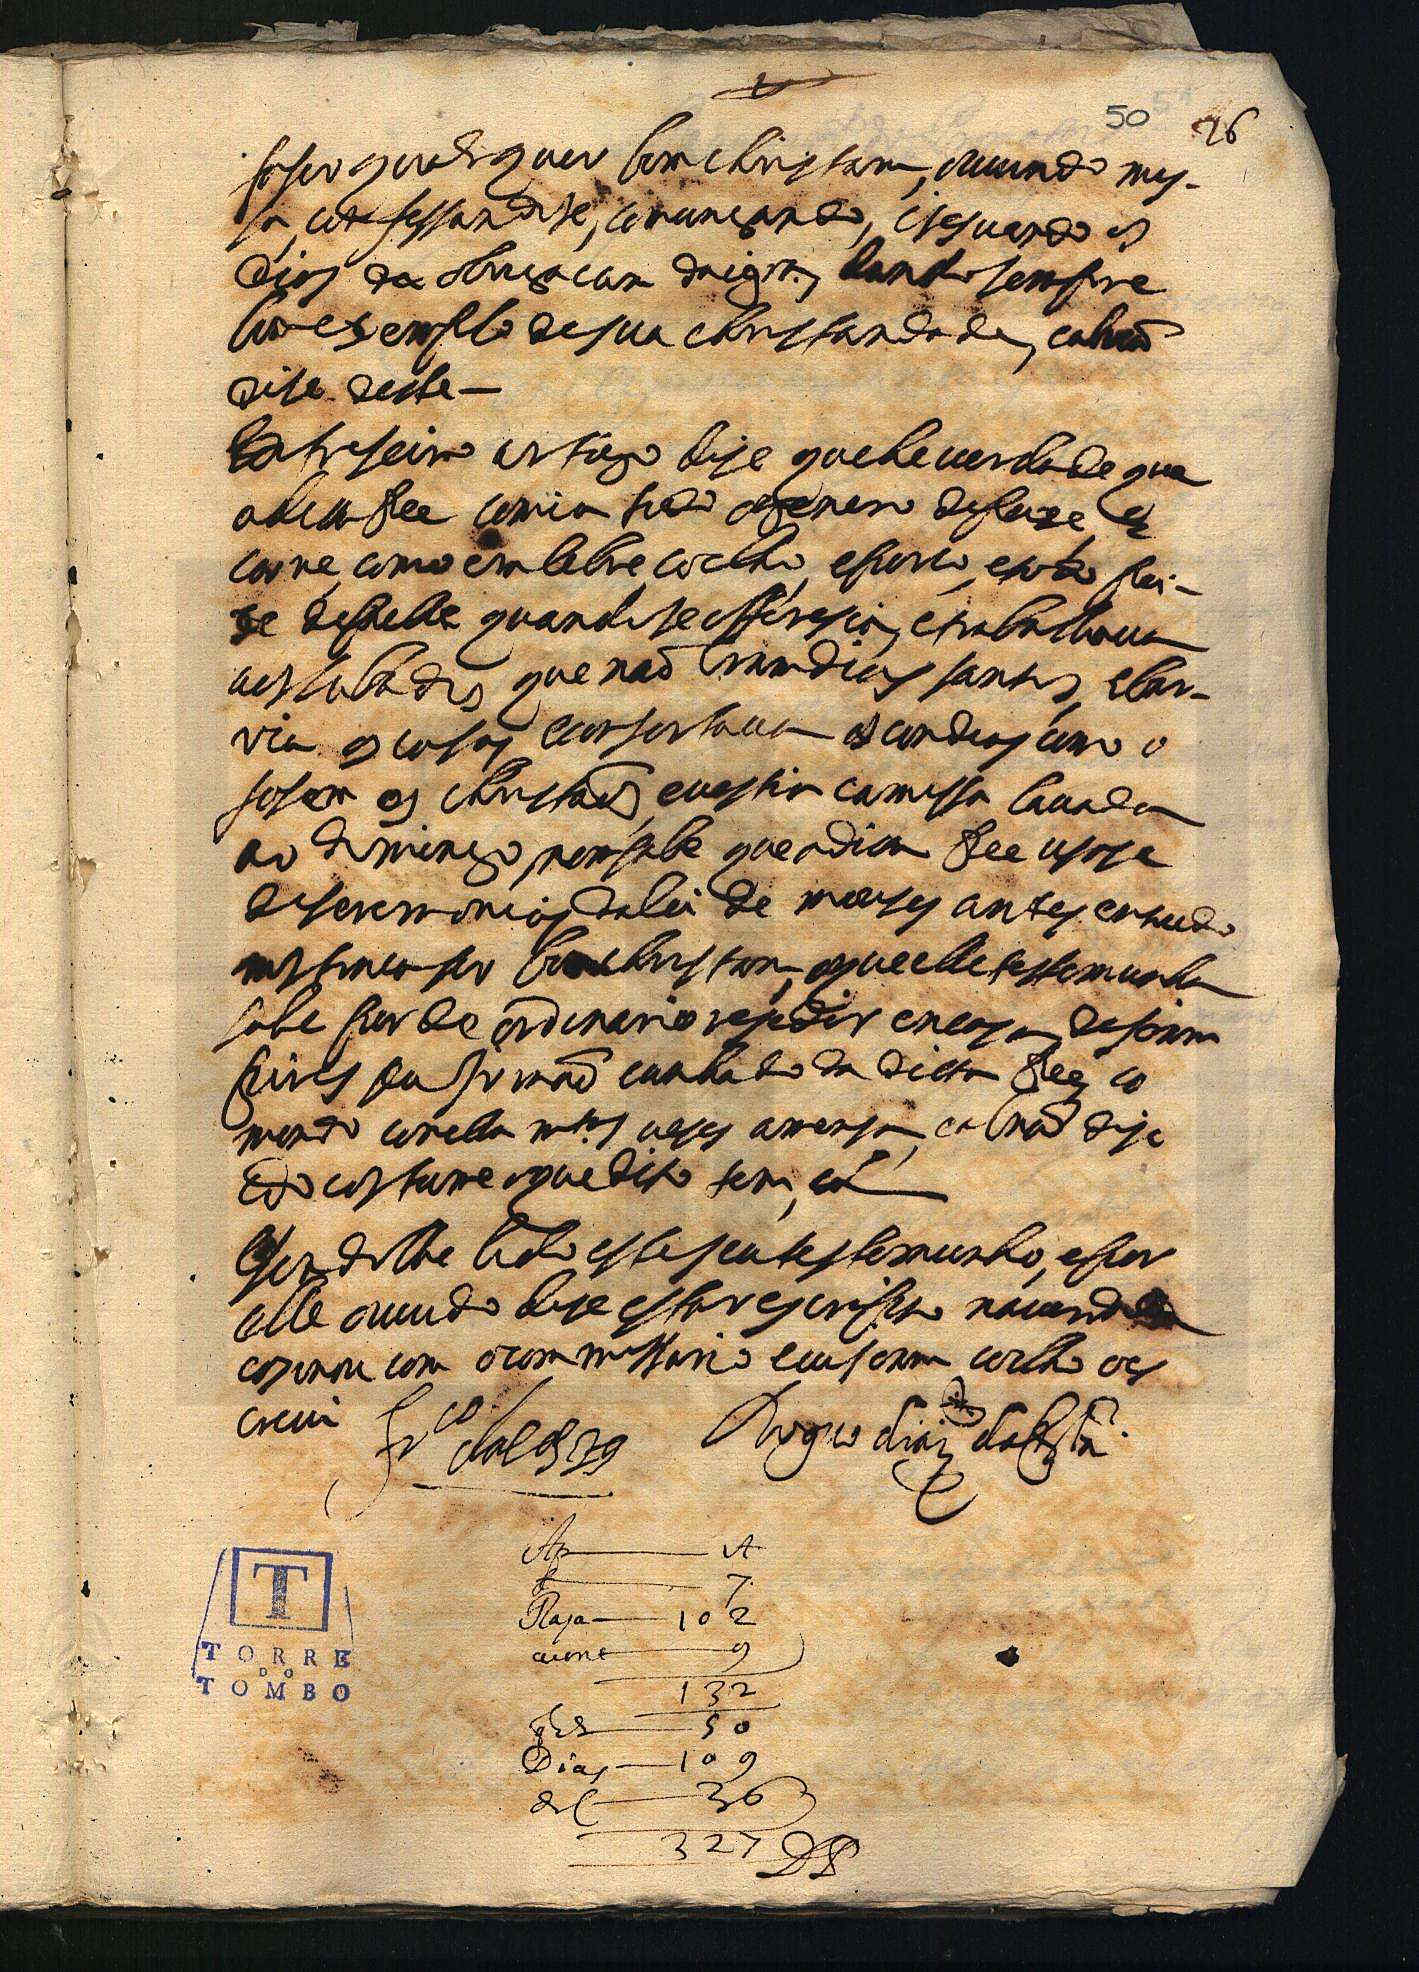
faser qualquer bom christam, ouuindo mis
sa, confessandose, comungando, e jejuando os
dias da obrigacam da igra., dando sempre
bom exemplo de sua christandade, e al naõ
dise deste –
E ao treseiro artigo dise que he uerdade que
a ditta Ree comia todo o genero de peixe, E
carne, como era lebre coelho, e porco, e todo pei
xe de pelle quando se offeresia, e trabalhaua
aos sabados que naõ eram dias santos, E bar
ria as casas e consertaua as candeas como o
fasem os christaõs e uestia camissa lauada
ao domingo, nem sabe que a ditta Ree usase
de seremonias da lei de moises antes em tudo
mostraua ser boa christam, o que elle testemunha
sabe por de ordinario resedir en casa de joam
pires seu Jrmaõ cunhado da ditta Ree, co
mendo con ella m.tas ueses a mensa, e al não dise
e do costume o que dito tem, ea
E sendolhe lido este seu testemunho, e por
elle ouuido dise estar escripto na uerdade
e asinou com o commissario e eu joam coelho o es
creui
